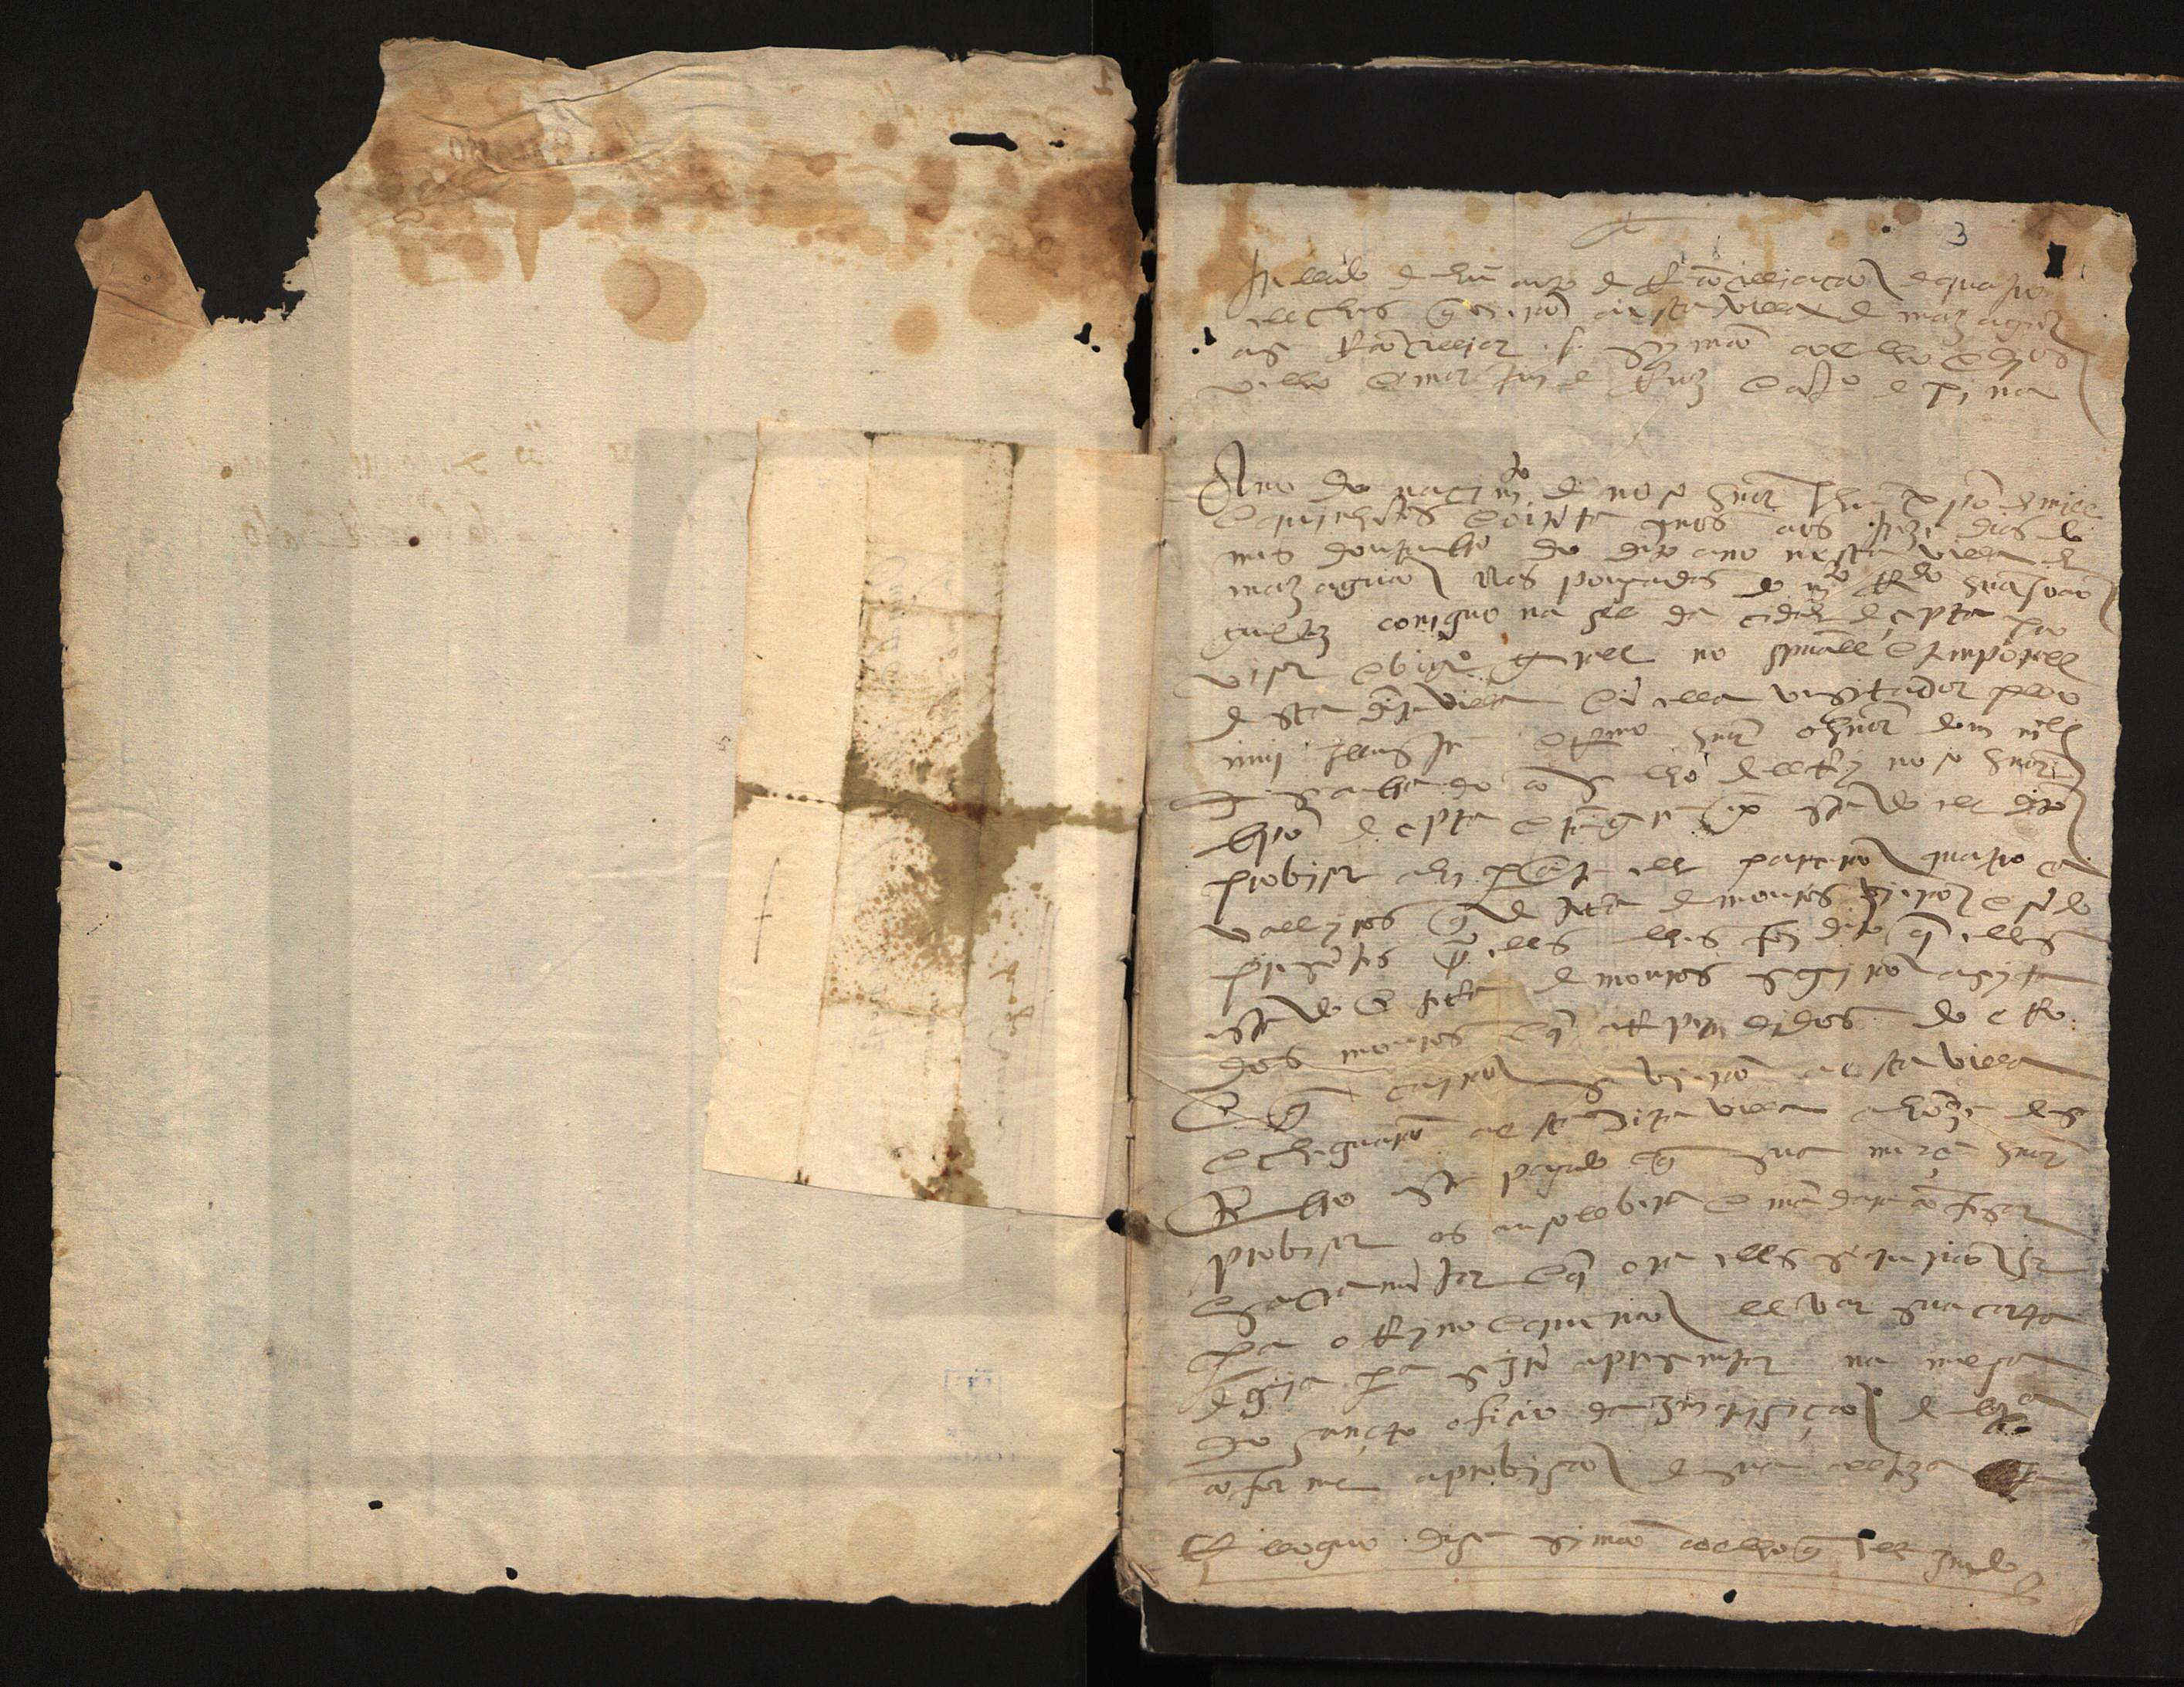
Judado de humes de Reconciliaçaõ e quatro
llos q̄ o cō a esta villa de maraque
a se Raticar .s. simão collegos
pello amortal Ruj e ato lena
Ano do sentimto de noso Sn̄or Jhū viso de mil
mjnhētos contēte anos aos treze dias de
mes doutubro do dito an̄o nesta villa de
mazaguão nas pousadas do mto Rdo seu João
caldez com que nas da cidade de cepta po
vier e vigro gerall no quall e tempore
desta cadea e ē ella visitador pro
mj Jllustre e Rmo sua obrar dom mes
desabado c̄oselho dell Rey noso snor
bpo de esta e segredo sādo ell dto
proviser ahj ꝑāte elle parece quatro ca
vallos q̄ detra de mouses pror e sēdo
presētes p̄o elles lhes foi dito q̄ elles
zēdo e fee de nouos segino asyta
dos como a das do elle
E caso se veyo nesta villa
e cheguar a este dita villa e hoje des
p̄o sendo q̄ sua mai da
dezer as pobras no dito fes
e sesemeter o q̄ ora elle seruyço de
ꝑa o Reino quem elle par sua certa
pera ha seu apresentar na mesa
do sancto officio de quisiçaõ de lxa
c̄oforme aprovysão de sua alteza
he loguo dise primo coelho q̄ he tudo
